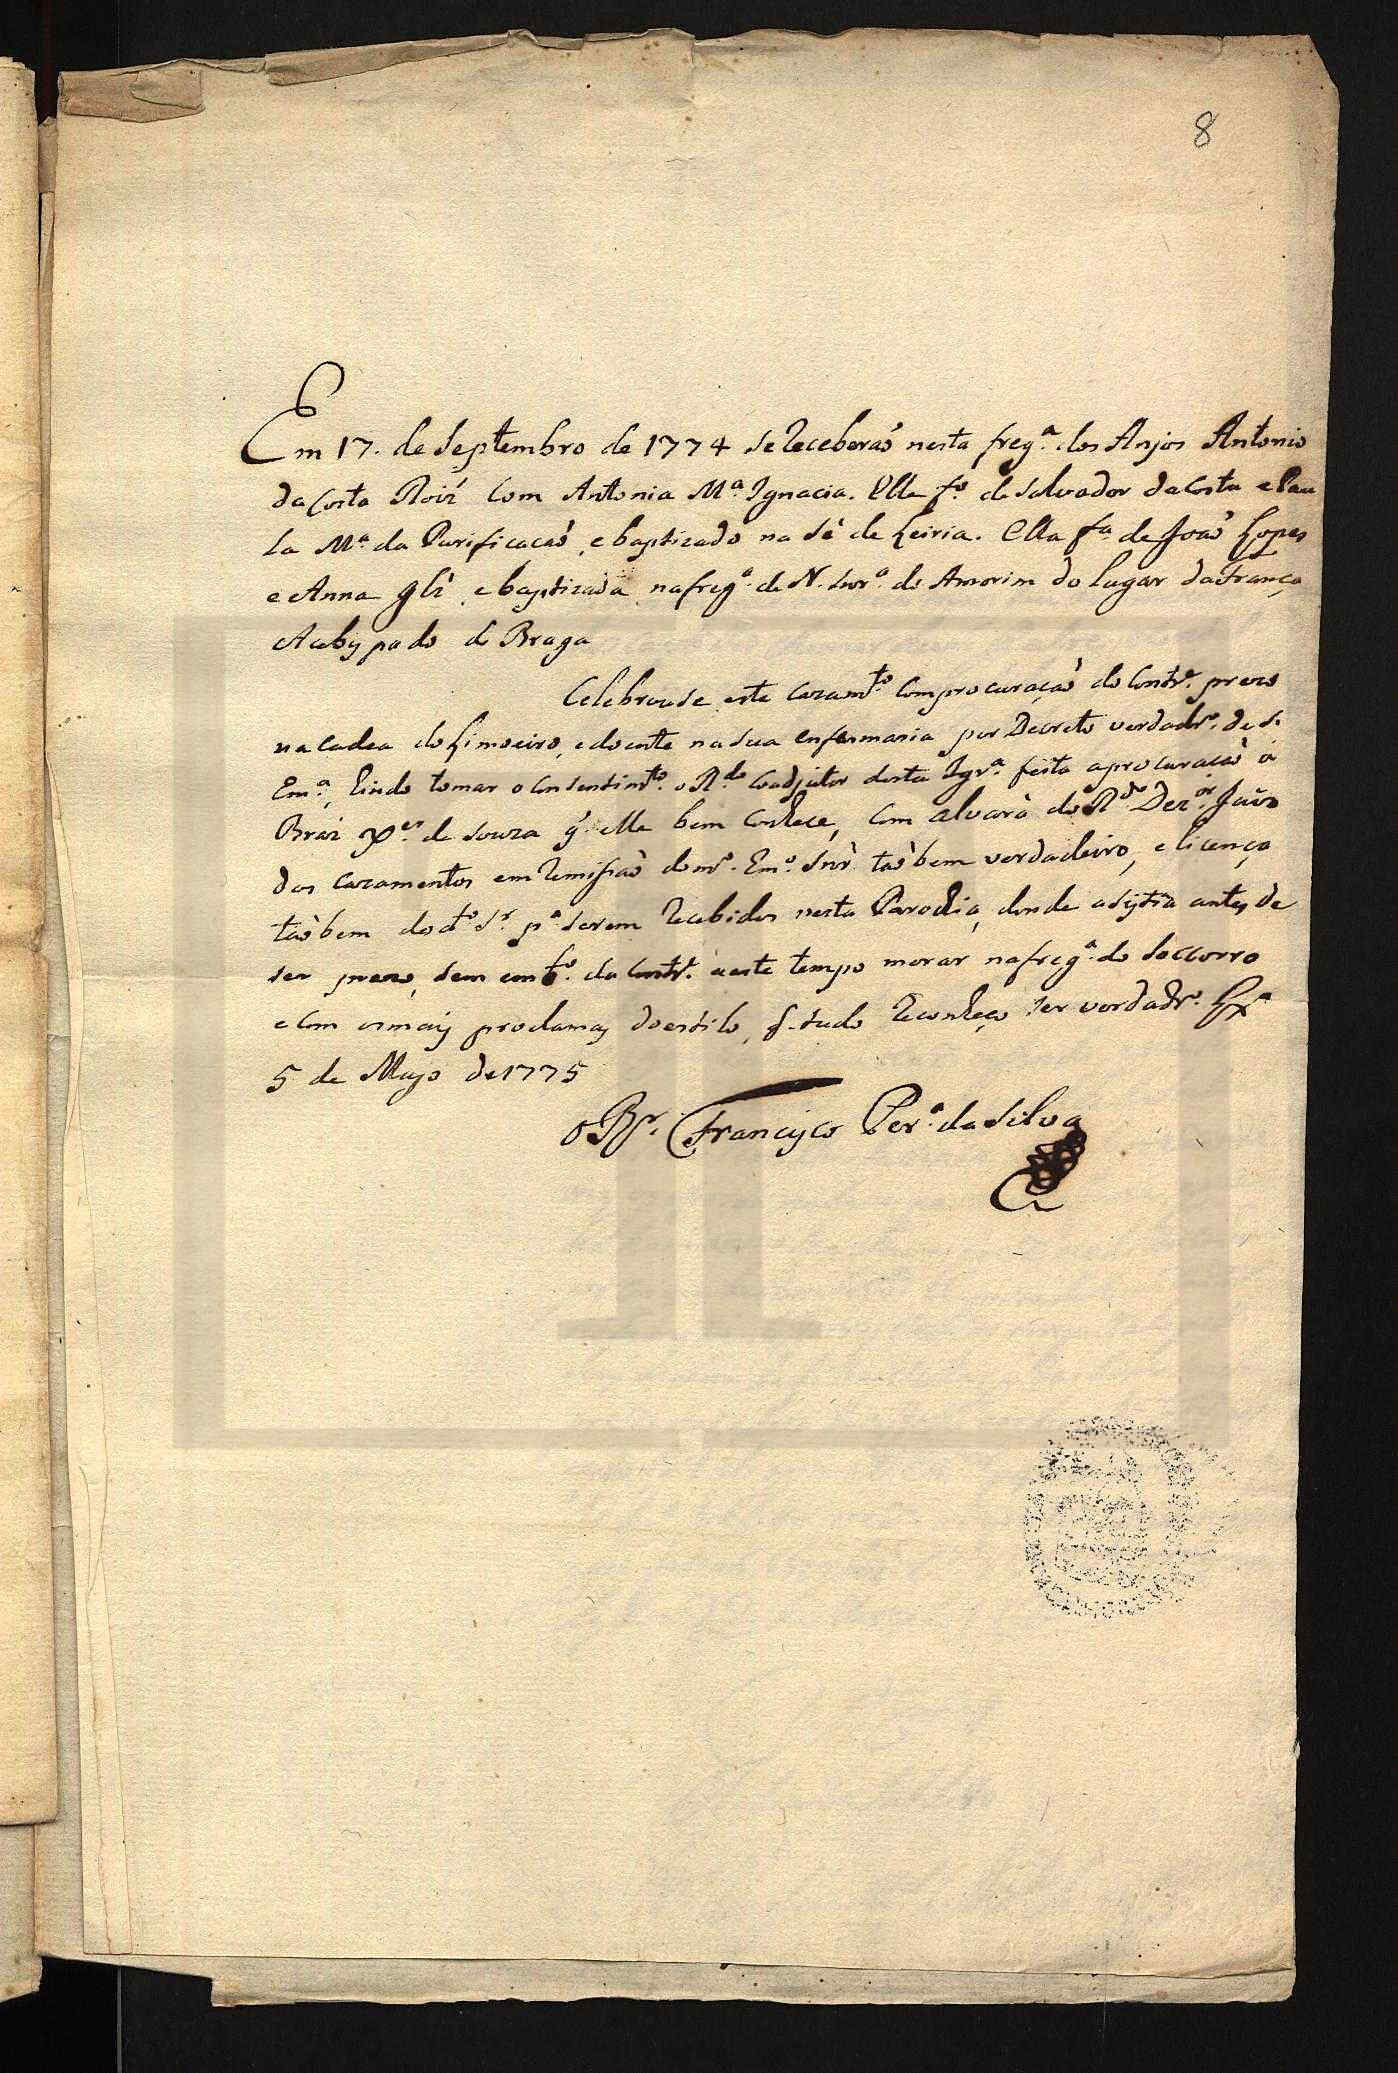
Em 17. de Septembro de 1774 se Receberaõ nesta freg.a dos Anjos Antonio
da Costa Roiz̄ Com Antonia M.a Ignacia. Elle f.o de Salvador da Costa e Pau
La M.a da Purificaçaõ, e baptizado na Sé de Leiria. ella f.a de Joaõ Lopes
e Anna glz, e baptizada na freg.a de N. snr.a de Amorim do Lugar da França
Acebispado do Braga
Celebrouse este cazam.to com procuraçaõ do contr.e prezo
na cadea do Limoeiro, e doente na sua enfermaria por Decreto verdadro, de s.
Em.a, hindo tomar o consentim.to. o R.do Coadjutor deste Igr.a feita a procuraçaõ a
Braz X.er de Souza q̄ elle bem conhece, com alvaro do R.do Dez.or Juis
dos cazamentos em Remissaõ do m.o. Em.o snr̄ taõbem verdadeiro, e licença
taõbem do d̄.o S.r p.a serem Recebidos nesta Parochia, donde asistia antes de
ser prezo, sem cont.o. da contr.e neste tempo morar na freg.a do Soccorro
e Com os mais proclamas do estilo, q̄ tudo Reconheço ser verdadr.o Lx.a
5 de Majo de 1775
o R. Francisco Per.a da Silva
